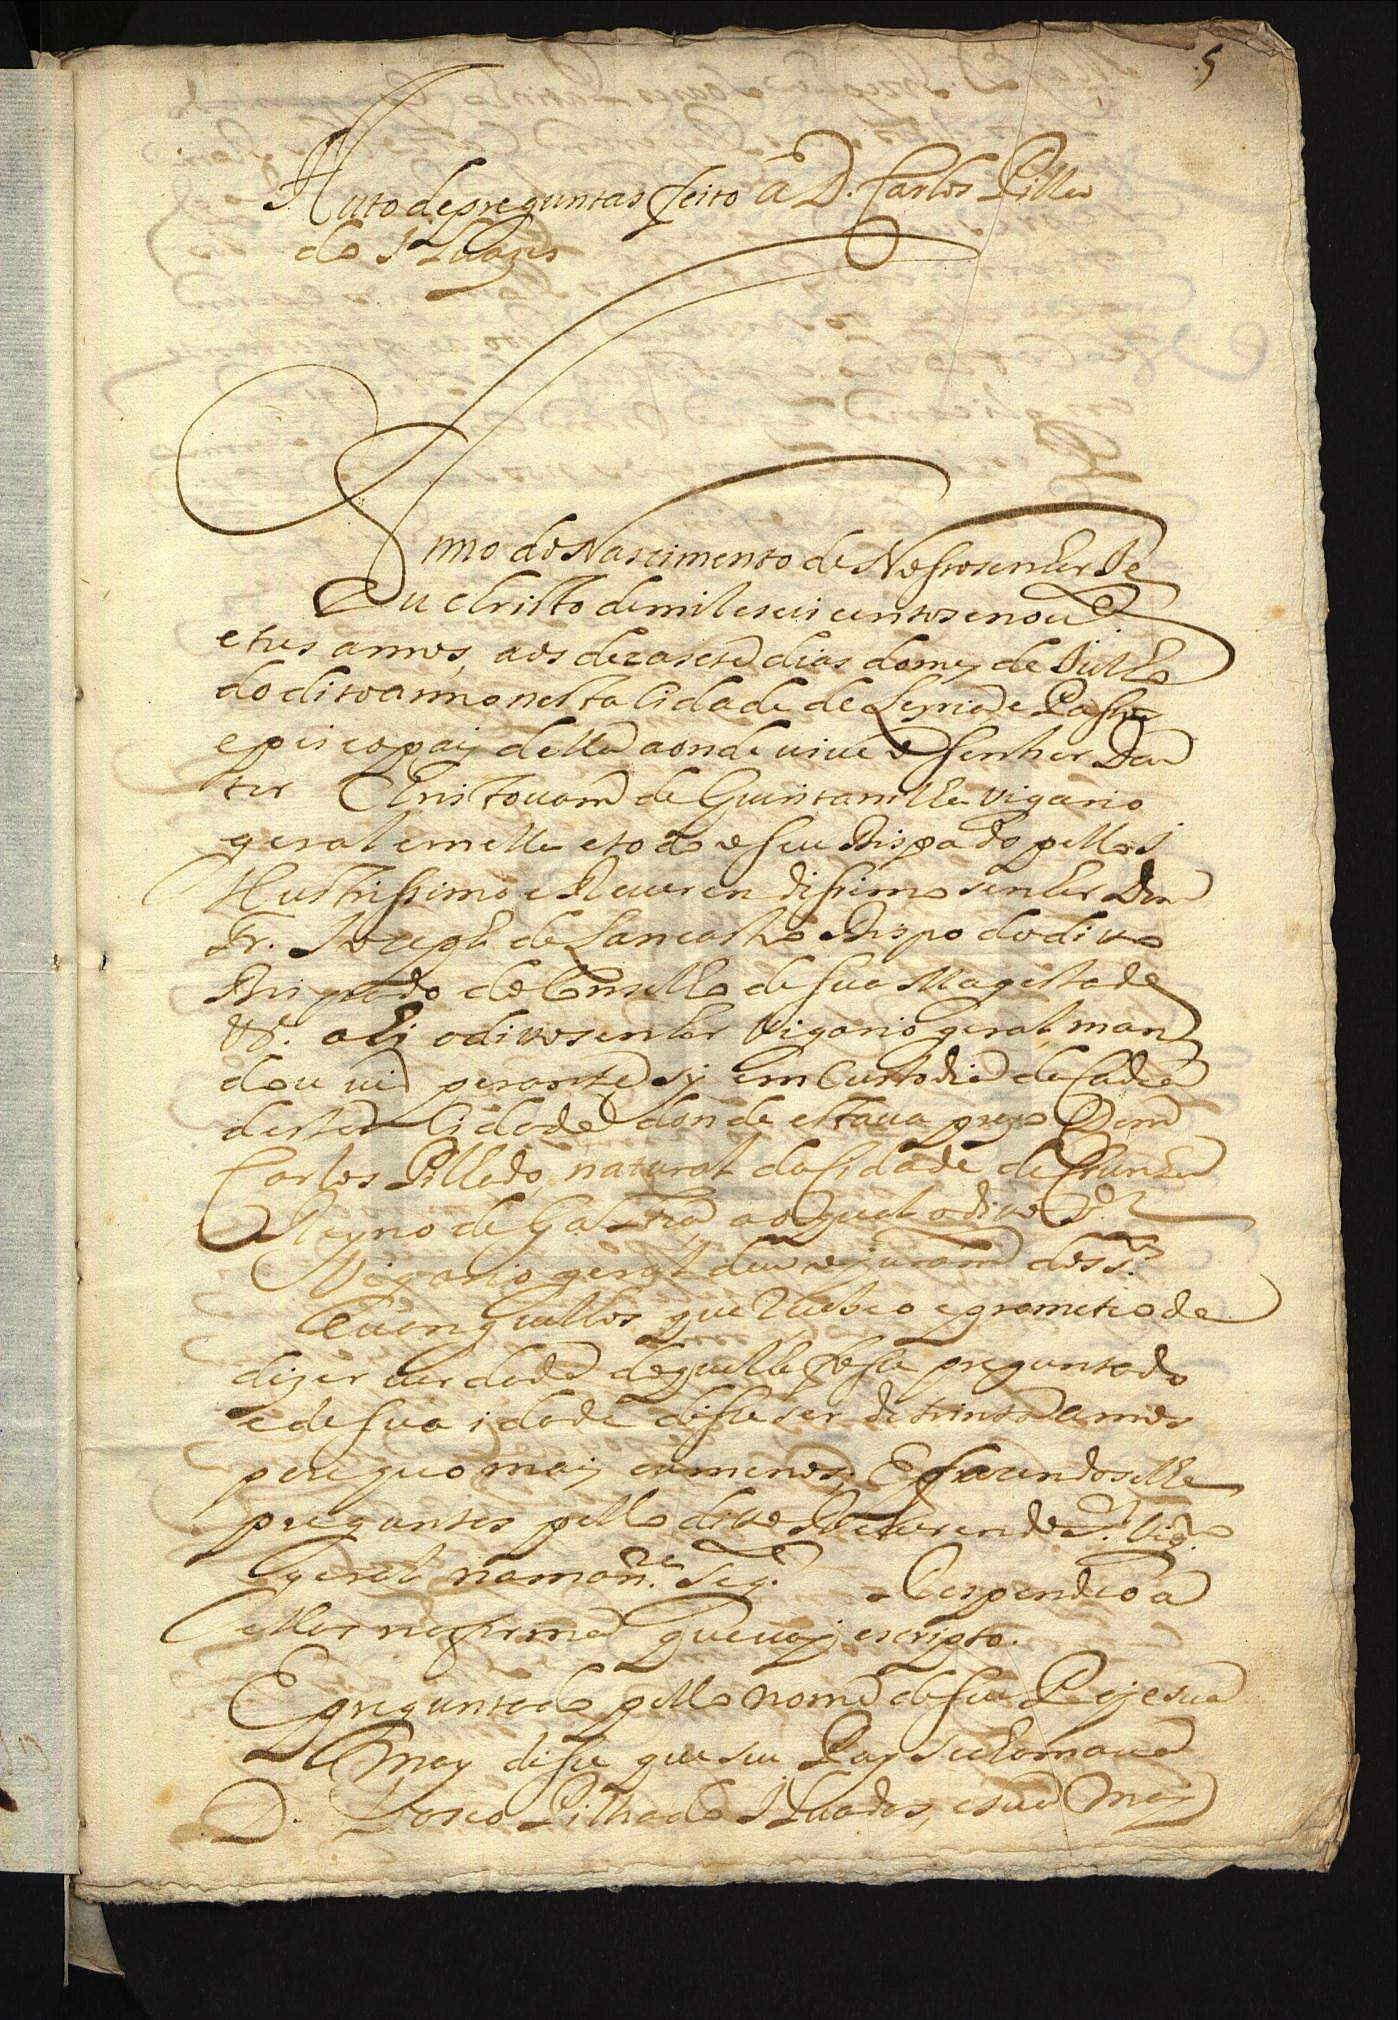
Auto de preguntas feito a D. Carlos Pilla
do ILuazes
Anno do Nascimento de Nosso senhor Ie
zu christo de mil e seiscentos e noute
e tres annos, aos dezasete dias do mes de Iulho
do dito anno nesta Cidade de Leyria, e Passos
episcopais della aonde uiue o Senhor Dou
tor Christouam de Quintanilha vigario
geral em elle e todo o seu Bispado pello I
llustrissimo e Reuerendissimo senhor Dom
Fr. Jozeph de Lancastro Bispo do ditto
Bispado do Conselho de sua Magestade
&r.a ahi o ditto senhor Vigario geral man
dou uir perante sy em Custodia de Cadea
desta Cidade donde estaua prezo Dom
Carlos Pillado, natural da Cidade de Crunha
Reyno de GaLicia ao qual o ditto S.or
Vigario geral deu o juramto dos s.tos
euanguelhos que Recebeo e prometeo de
dizer uerdade do que lhe fosse preguntado
e de sua idade disse ser de trinta annos
pouquo mais ou menos, E fazendoselhe
preguntas pello ditto Reuerendo s.or Vig.ro
geral na man.ra seg.te Respondeo a
elles na forma que uaj escripto.
E preguntado pello nome de seu Paj e sua
may disse que seu Pay se chamaua
D. Vasco Pilhado Iluades, e sua may
